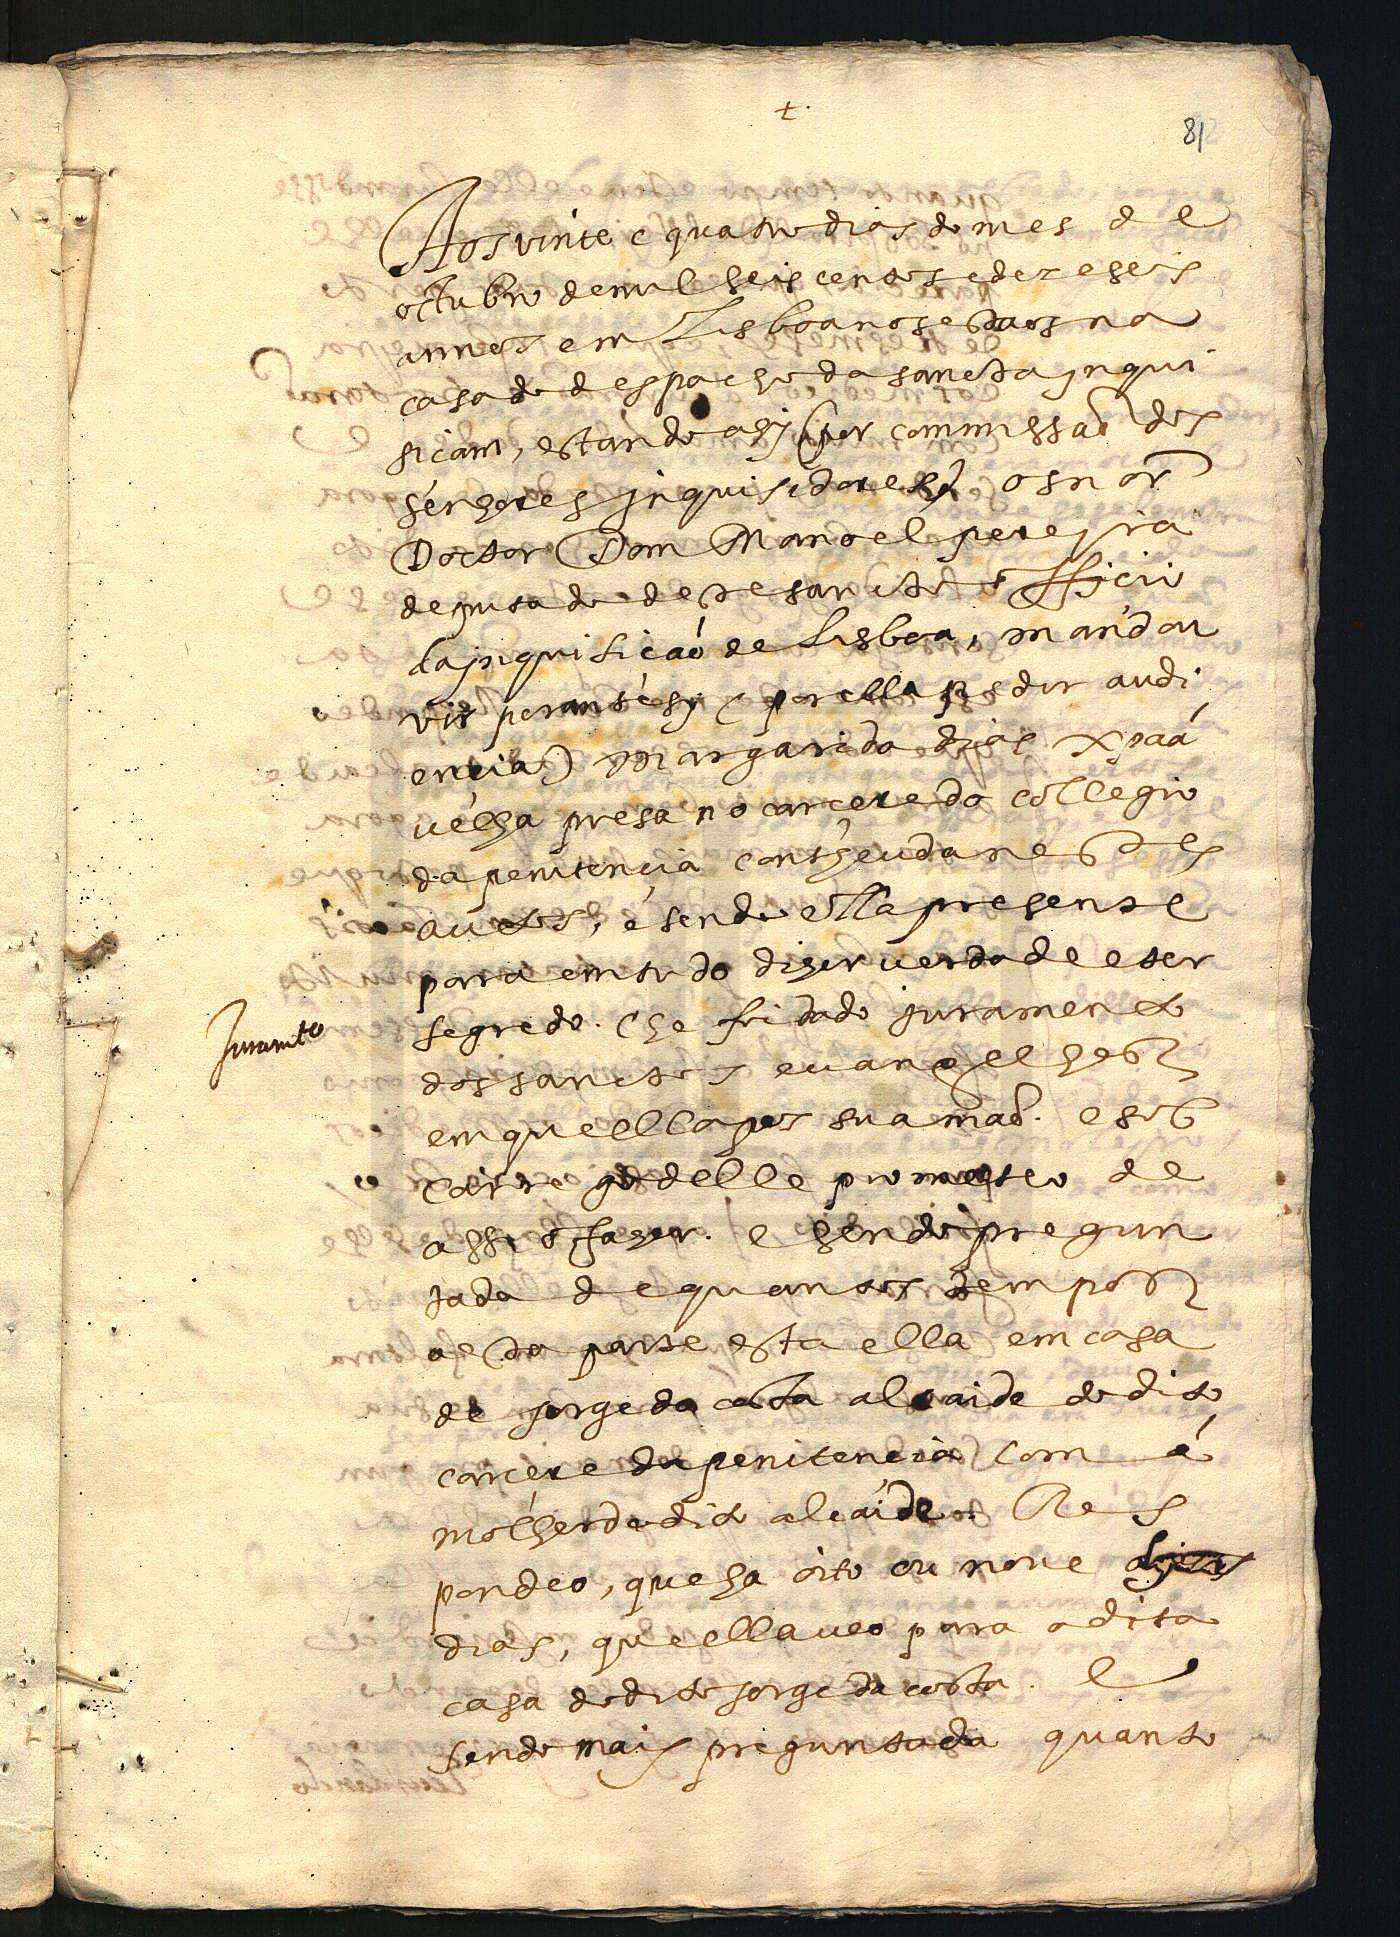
Aos vinte e quatro dias do mes de
octubro de mil seiscentos e dezeseis
annos em Lisboa nos estaos na
casa do despacho da sancta jnqui
siçam, estando ahy (por commissaõ dos
senhores jnquisidores) o snor̄
Doctor Dom Manoel perejra
deputado deste sancto offjçio
da jnquisiçaõ de Lisboa, mandou
vir perante sy (por ella pedir audi
ençia) margarida dias xpaã
uelha presa no carçere do collegio
da penitençia contheuda nestes
autos, e sendo ella presente
para em tudo dizer uerdade e ter
segredo. lhe foi dado juramento
dos sanctos euangelhos
em que ella pos sua maõ. e sob
carrego delle prometeo de
assi o fazer. e sendo pregun
tada de quantos tempos
a esta parte esta ella em casa
de jorge da costa alcaide do dito
carçere da penitençia com a
molher do dito alcaide. Res
pondeo, que ha oito ou noue djas
dias, que ella ueo para a dita
casa do dito Jorge da costa. E
sendo mais preguntada. quanto
